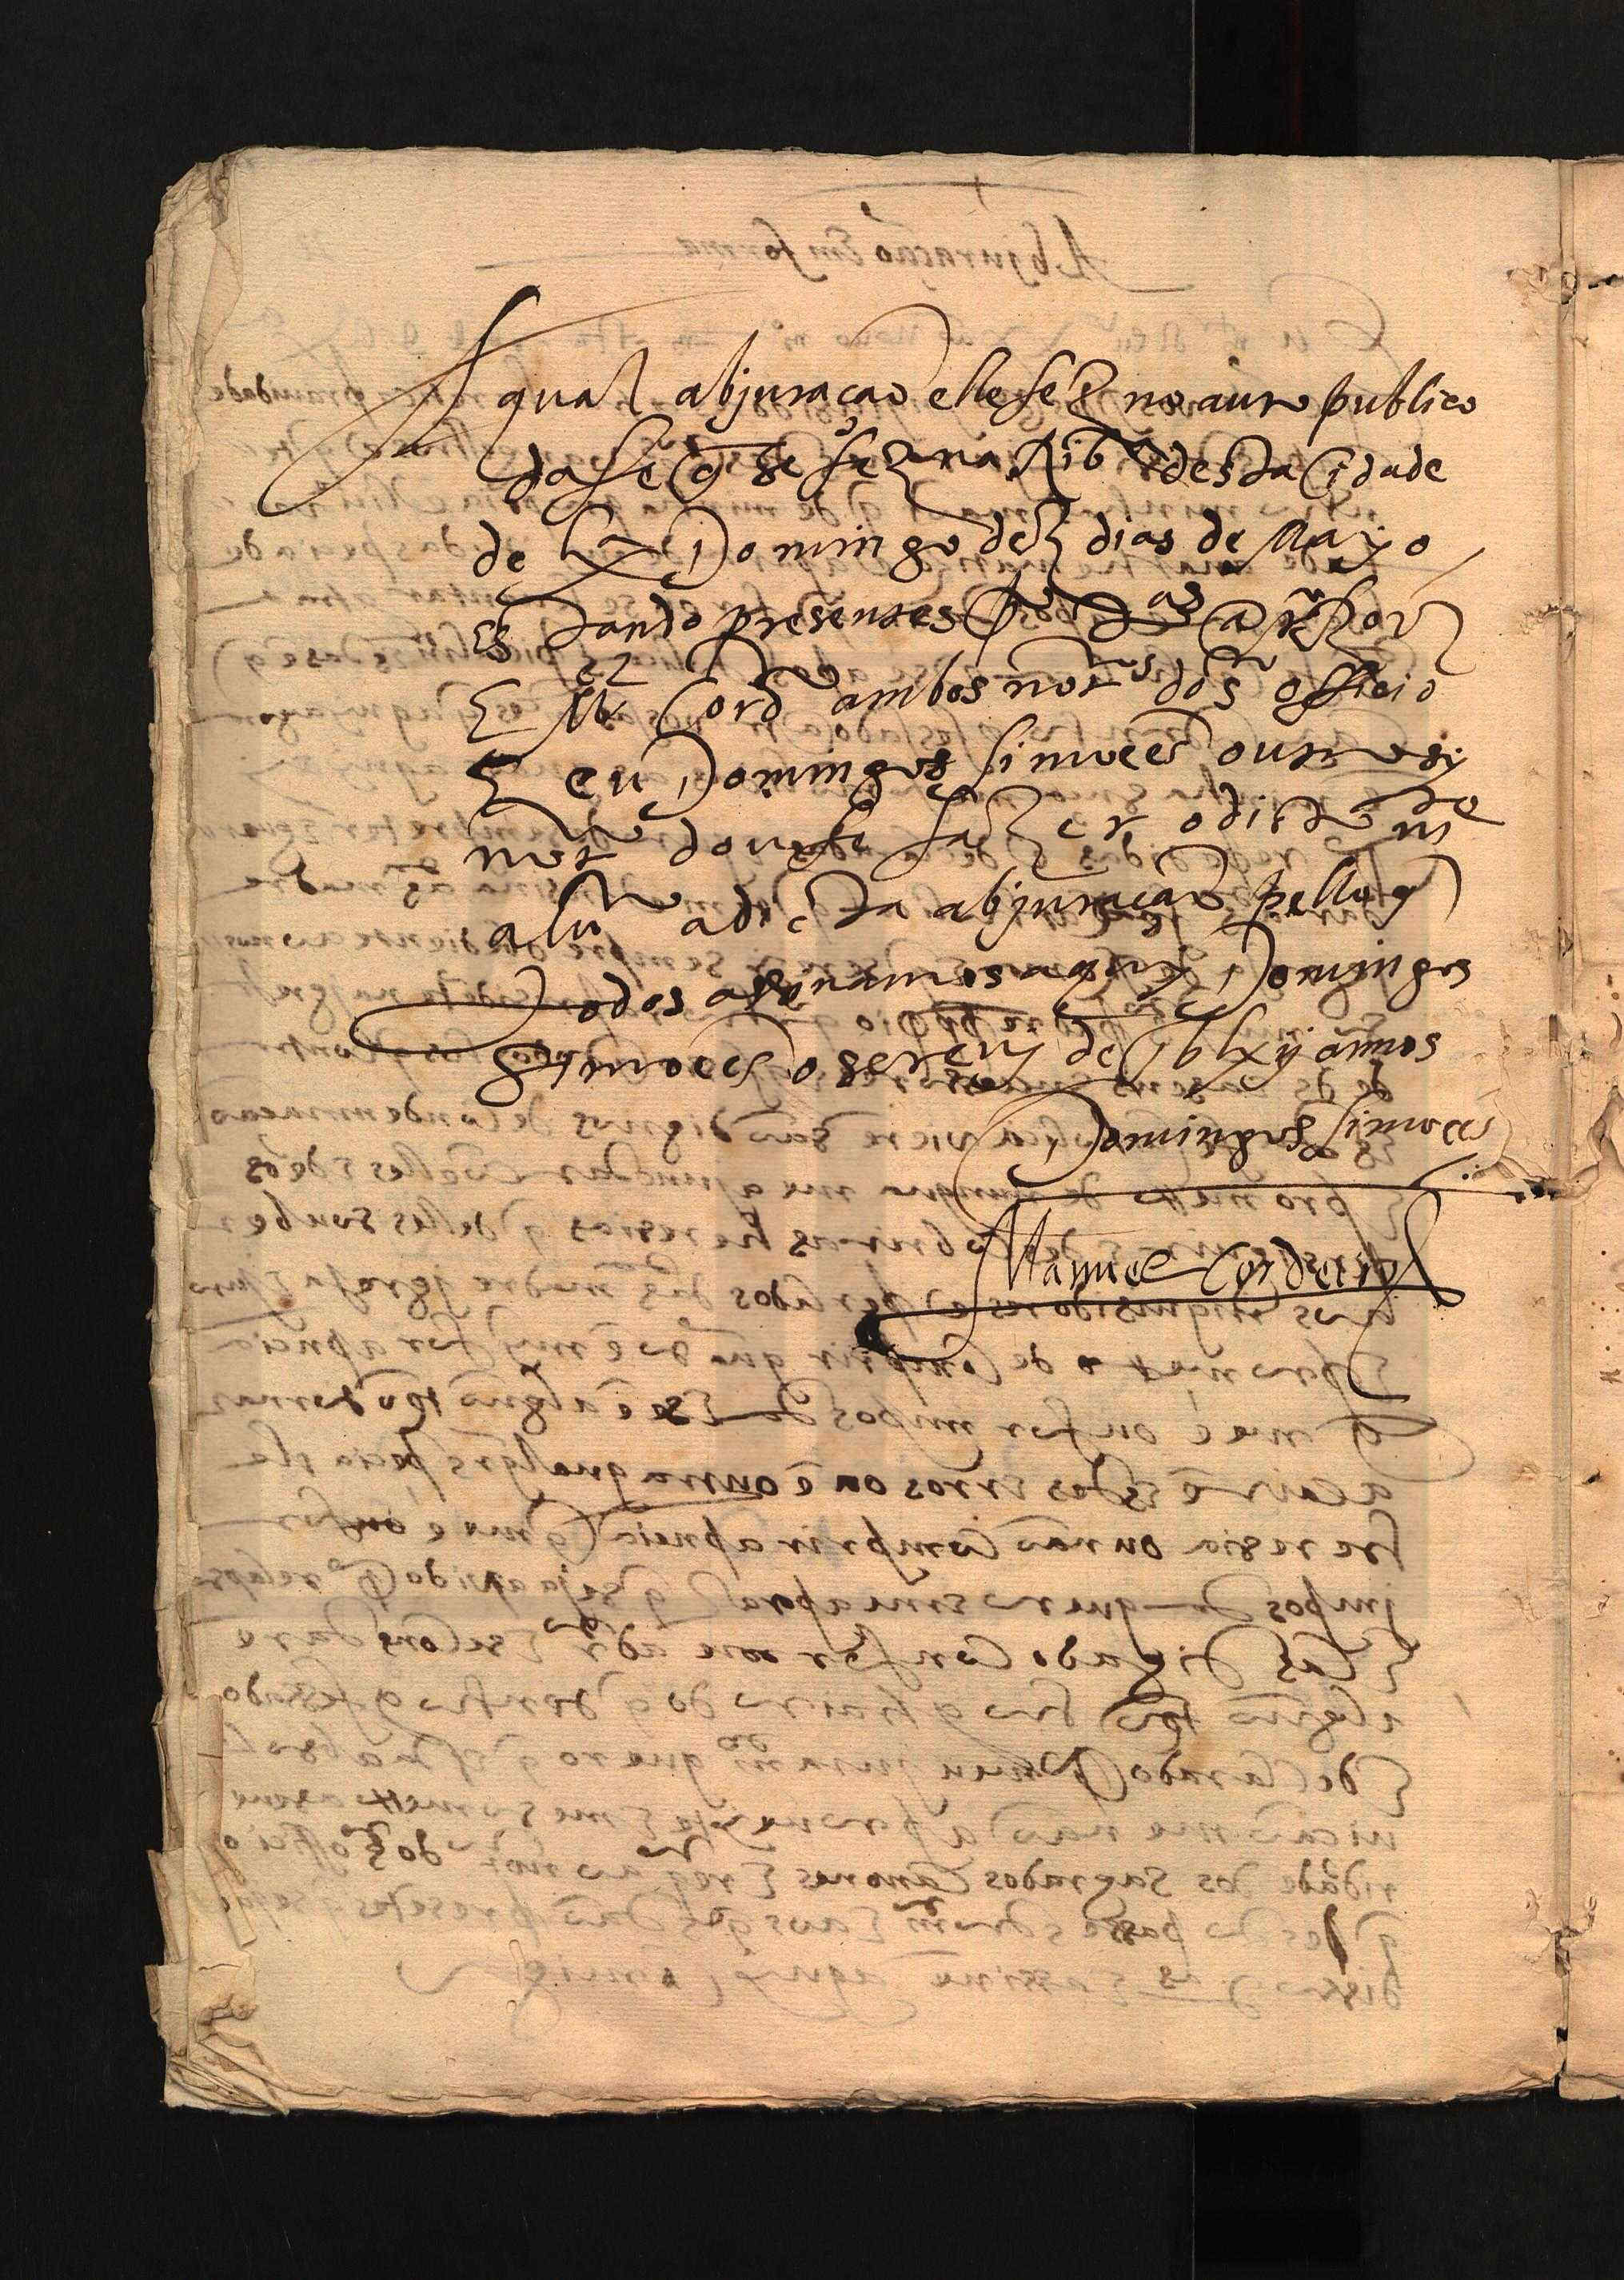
A qual abjuraçaõ elle fez no auto publico
da fe q̄ se fez na Ribra desta Cidade
de Lxa Domingo dez dias de Mayo
Estando presentes p̄o tas āto Roiz̄
E Mel Cordro ambos notros do sto officio
E eu Domingos Simoeẽs outrosy
notro dou fe fazer o dicto mte
aluro a dicta abjuração pello q̄
todos assinamos aquy Domingos
Simoeẽs o screuj de j̄ b lxij annos
Domingos Simoees
Manuel Cordeiro
